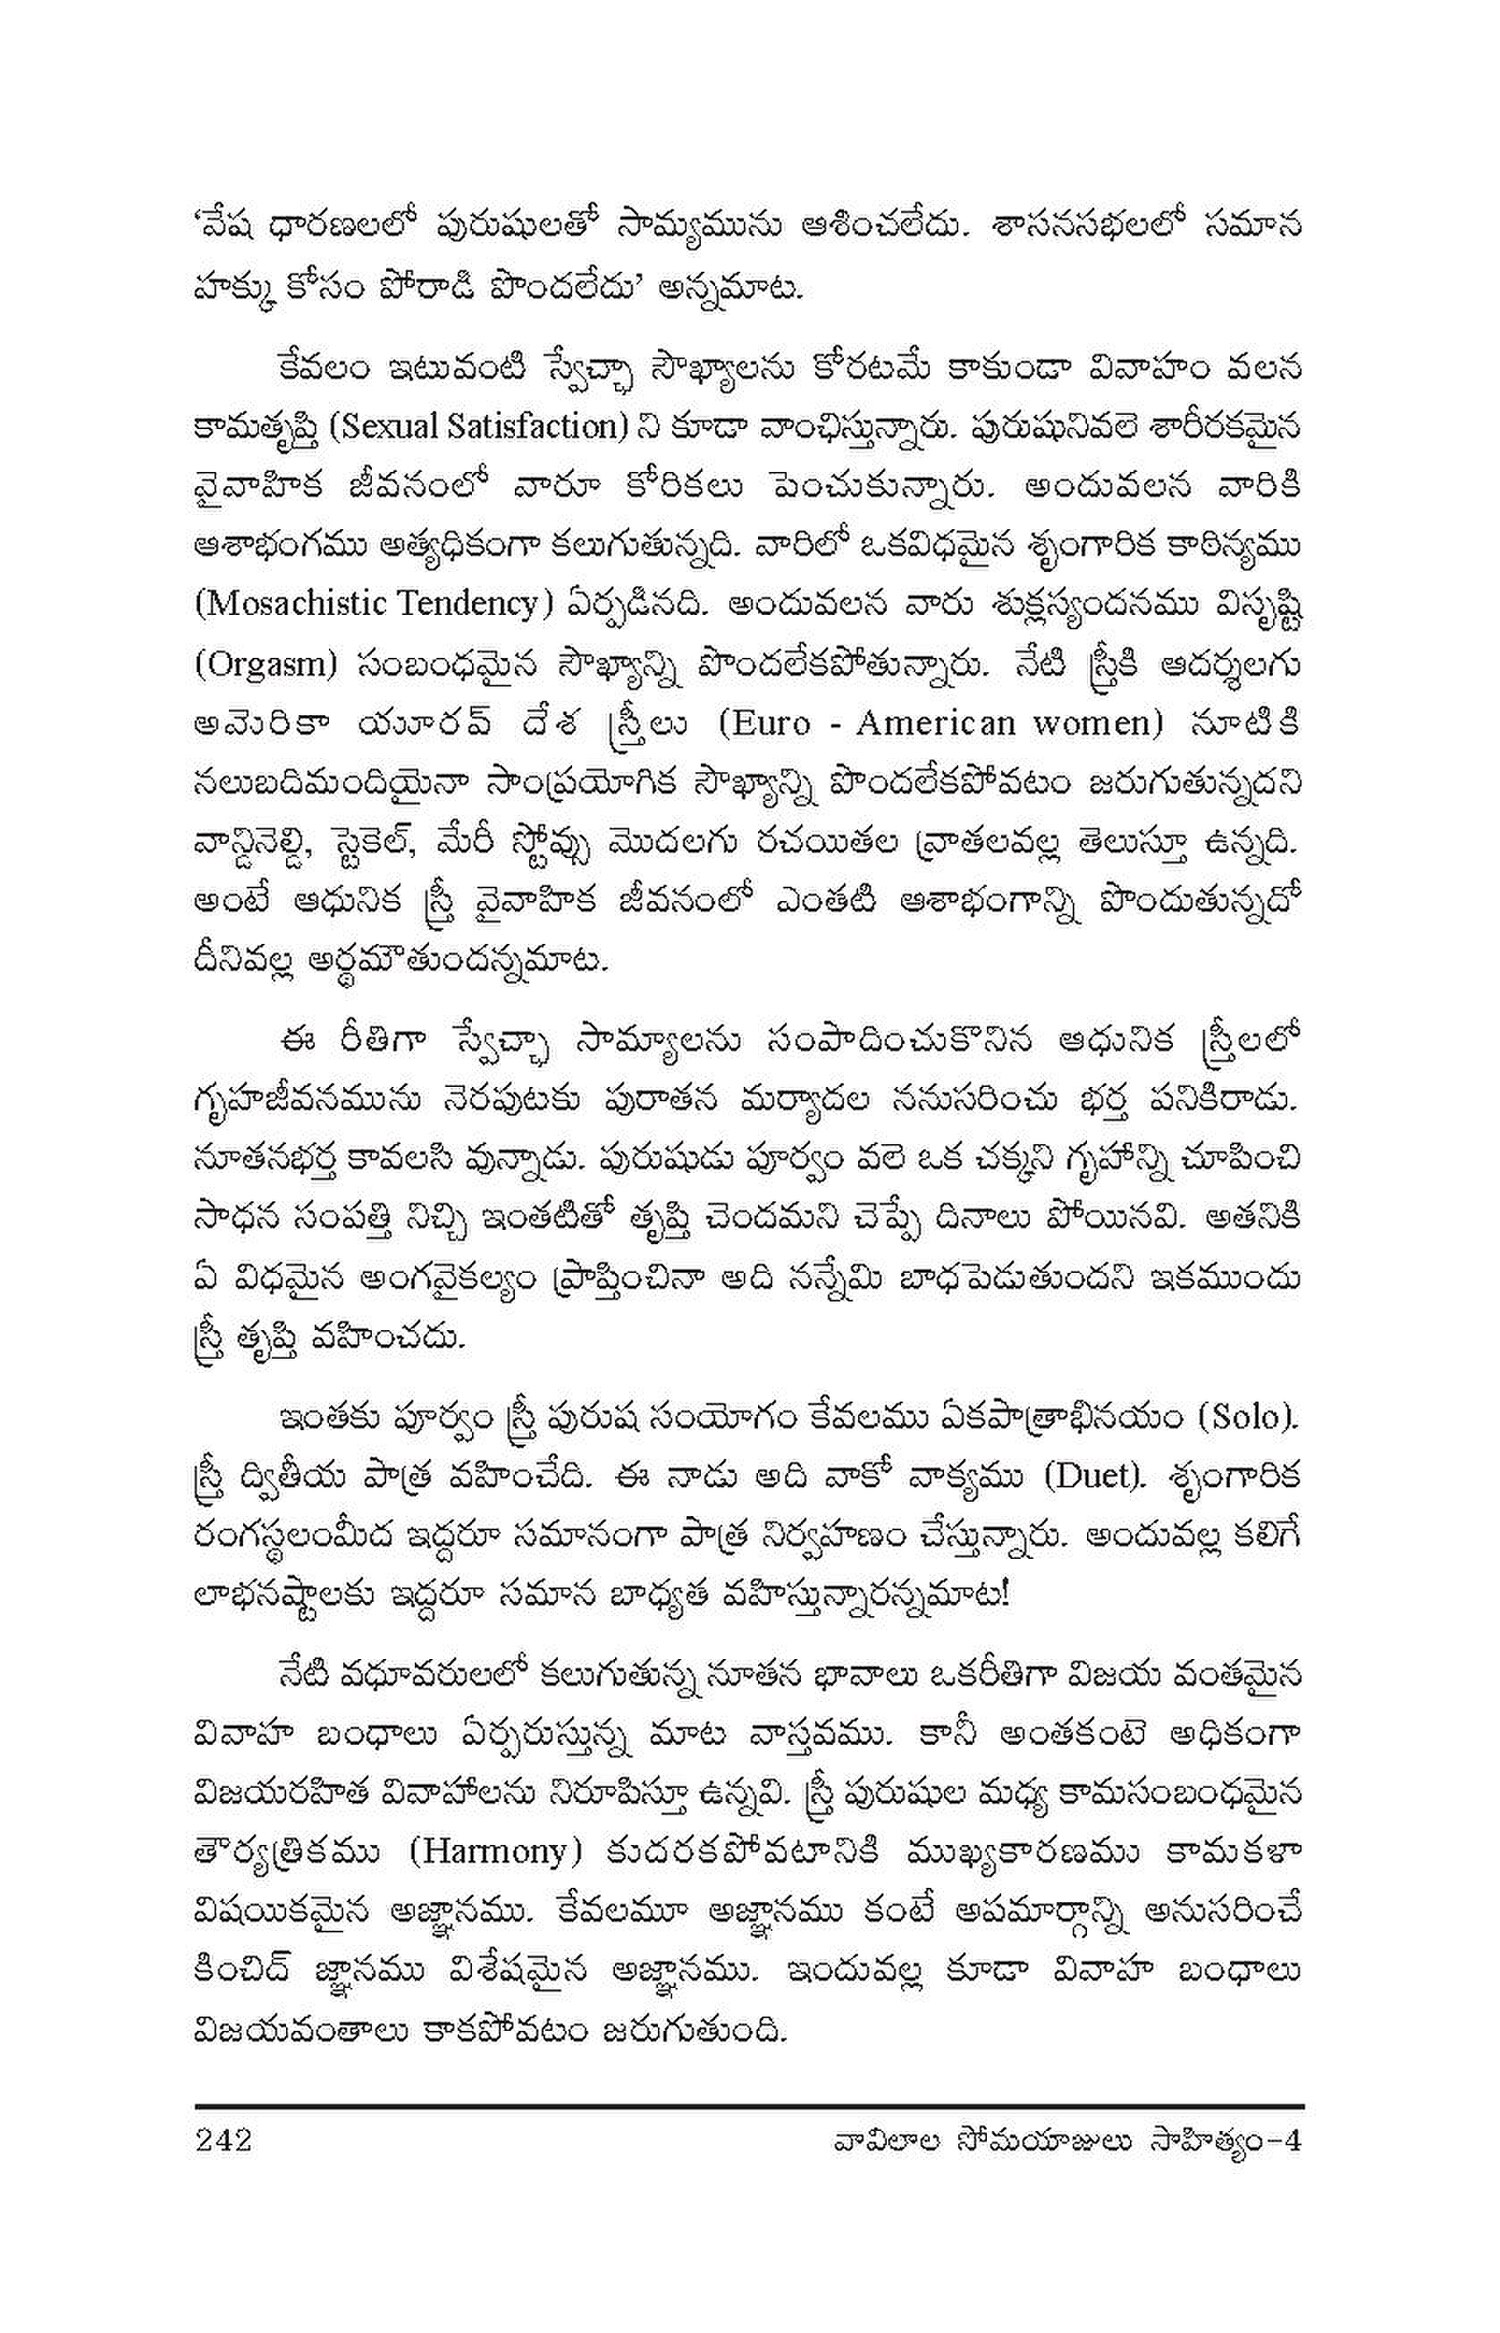'వేష ధారణలలో పురుషులతో సామ్యమును ఆశించలేదు. శాసనసభలలో సమాన
హక్కు కోసం పోరాడి పొందలేదు' అన్నమాట.

కేవలం ఇటువంటి స్వేచ్ఛా సౌఖ్యాలను కోరటమే కాకుండా వివాహం వలన
కామతృప్తి (Sexual Satisfaction) ని కూడా వాంఛిస్తున్నారు. పురుషునివలె శారీరకమైన
వైవాహిక జీవనంలో వారూ కోరికలు పెంచుకున్నారు. అందువలన వారికి
ఆశాభంగము అత్యధికంగా కలుగుతున్నది. వారిలో ఒకవిధమైన శృంగారిక కాఠిన్యము
(Masochistic Tendency) ఏర్పడినది. అందువలన వారు శుక్లస్యందనము విసృష్టి
(Orgasm) సంబంధమైన సౌఖ్యాన్ని పొందలేకపోతున్నారు. నేటి స్త్రీకి ఆదర్శలగు
అమెరికా యూరప్ దేశ స్త్రీలు (Euro - American women) నూటికి
నలుబదిమందియైనా సాంప్రయోగిక సౌఖ్యాన్ని పొందలేకపోవటం జరుగుతున్నదని
వాన్డినెల్డి, స్టెకెల్, మేరీ స్టోవ్సు మొదలగు రచయితల వ్రాతలవల్ల తెలుస్తూ ఉన్నది.
అంటే ఆధునిక స్త్రీ వైవాహిక జీవనంలో ఎంతటి ఆశాభంగాన్ని పొందుతున్నదో
దీనివల్ల అర్థమౌతుందన్నమాట.

ఈ రీతిగా స్వేచ్ఛా సామ్యాలను సంపాదించుకొనిన ఆధునిక స్త్రీలలో
గృహజీవనమును నెరపుటకు పురాతన మర్యాదల ననుసరించు భర్త పనికిరాడు.
నూతనభర్త కావలసి వున్నాడు. పురుషుడు పూర్వం వలె ఒక చక్కని గృహాన్ని చూపించి
సాధన సంపత్తి నిచ్చి ఇంతటితో తృప్తి చెందమని చెప్పే దినాలు పోయినవి. అతనికి
ఏ విధమైన అంగవైకల్యం ప్రాప్తించినా అది నన్నేమి బాధపెడుతుందని ఇకముందు
స్త్రీ తృప్తి వహించదు.

ఇంతకు పూర్వం స్త్రీ పురుష సంయోగం కేవలము ఏకపాత్రాభినయం (Solo).
స్త్రీ ద్వితీయ పాత్ర వహించేది. ఈ నాడు అది వాకో వాక్యము (Duet). శృంగారిక
రంగస్థలంమీద ఇద్దరూ సమానంగా పాత్ర నిర్వహణం చేస్తున్నారు. అందువల్ల కలిగే
లాభనష్టాలకు ఇద్దరూ సమాన బాధ్యత వహిస్తున్నారన్నమాట!

నేటి వధూవరులలో కలుగుతున్న నూతన భావాలు ఒకరీతిగా విజయ వంతమైన
వివాహ బంధాలు ఏర్పరుస్తున్న మాట వాస్తవము. కానీ అంతకంటే అధికంగా
విజయరహిత వివాహాలను నిరూపిస్తూ ఉన్నవి. స్త్రీ పురుషుల మధ్య కామసంబంధమైన
తౌర్యత్రికము (Harmony) కుదరకపోవటానికి ముఖ్యకారణము కామకళా
విషయికమైన అజ్ఞానము. కేవలమూ అజ్ఞానము కంటే అపమార్గాన్ని అనుసరించే
కించిద్ జ్ఞానము విశేషమైన అజ్ఞానము. ఇందువల్ల కూడా వివాహ బంధాలు
విజయవంతాలు కాకపోవటం జరుగుతుంది.